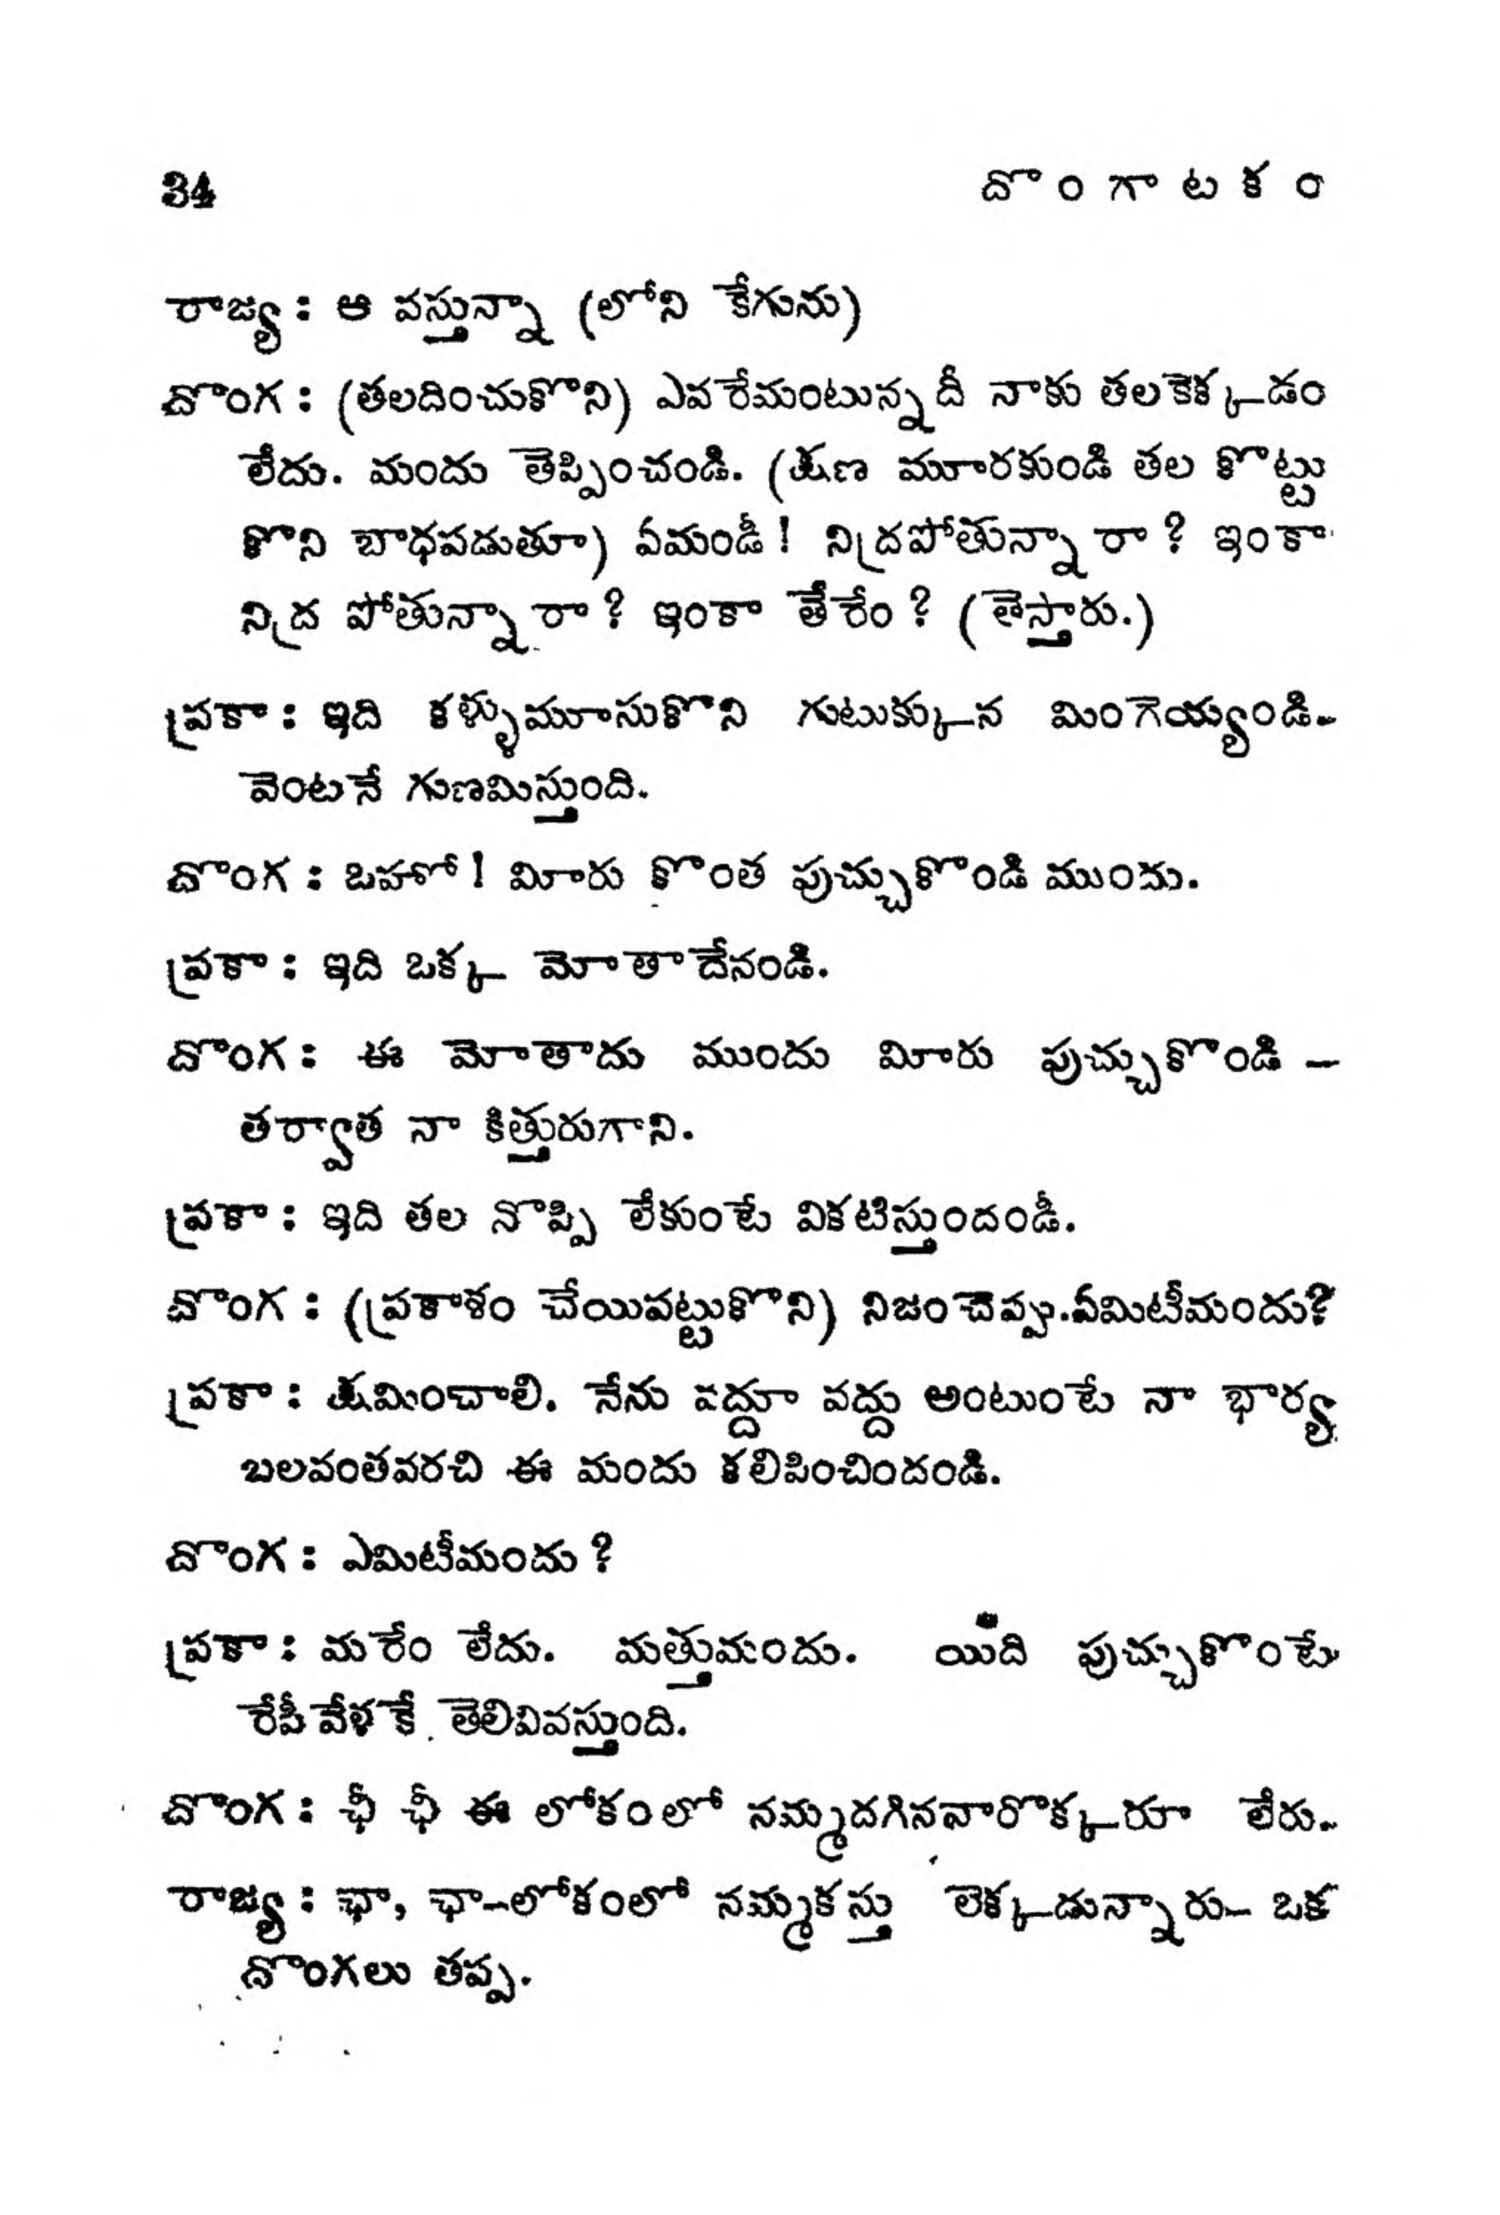రాజ్య : ఆ వస్తున్నా (లోని కేగును)

దొంగ : (తలదించుకొని) ఎవరేమంటున్నదీ నాకు తలకెక్కడం లేదు. మందు తెప్పించండి. (క్షణ మూరకుండి తల కొట్టుకొని బాధపడుతూ) ఏమండీ ! నిద్రపోతున్నారా? ఇంకా నిద్ర పోతున్నారా? ఇంకా తేరేం ? (తెస్తారు.)

ప్రకా : ఇది కళ్ళుమూసుకొని గుటుక్కున మింగెయ్యండి. వెంటనే గుణమిస్తుంది.

దొంగ : ఒహో ! మీరు కొంత పుచ్చుకొండి ముందు.

ప్రకా : ఇది ఒక్క మోతాదేనండి.

దొంగ : ఈ మోతాదు ముందు మీరు పుచ్చుకొండి - తర్వాత నా కిత్తురుగాని.

ప్రకా : ఇది తల నొప్పి లేకుంటే వికటిస్తుందండీ.

దొంగ : (ప్రకాశం చేయిపట్టుకొని) నిజంచెప్పు. ఏమిటీమందు?

ప్రకా : క్షమించాలి. నేను వద్దు వద్దు అంటుంటే నా భార్య బలవంతపరచి ఈ మందు కలిపించిందండి.

దొంగ : ఎమిటీమందు ?

ప్రకా : మరేం లేదు. మత్తుమందు. యిది పుచ్చుకొంటే రేపీవేళకే తెలివివస్తుంది.

దొంగ : ఛీ ఛీ ఈ లోకంలో నమ్మదగినవారొక్కరూ లేరు.

రాజ్య : ఛా, ఛా-లోకంలో నమ్మకస్తు లెక్కడున్నారు - ఒక దొంగలు తప్ప.